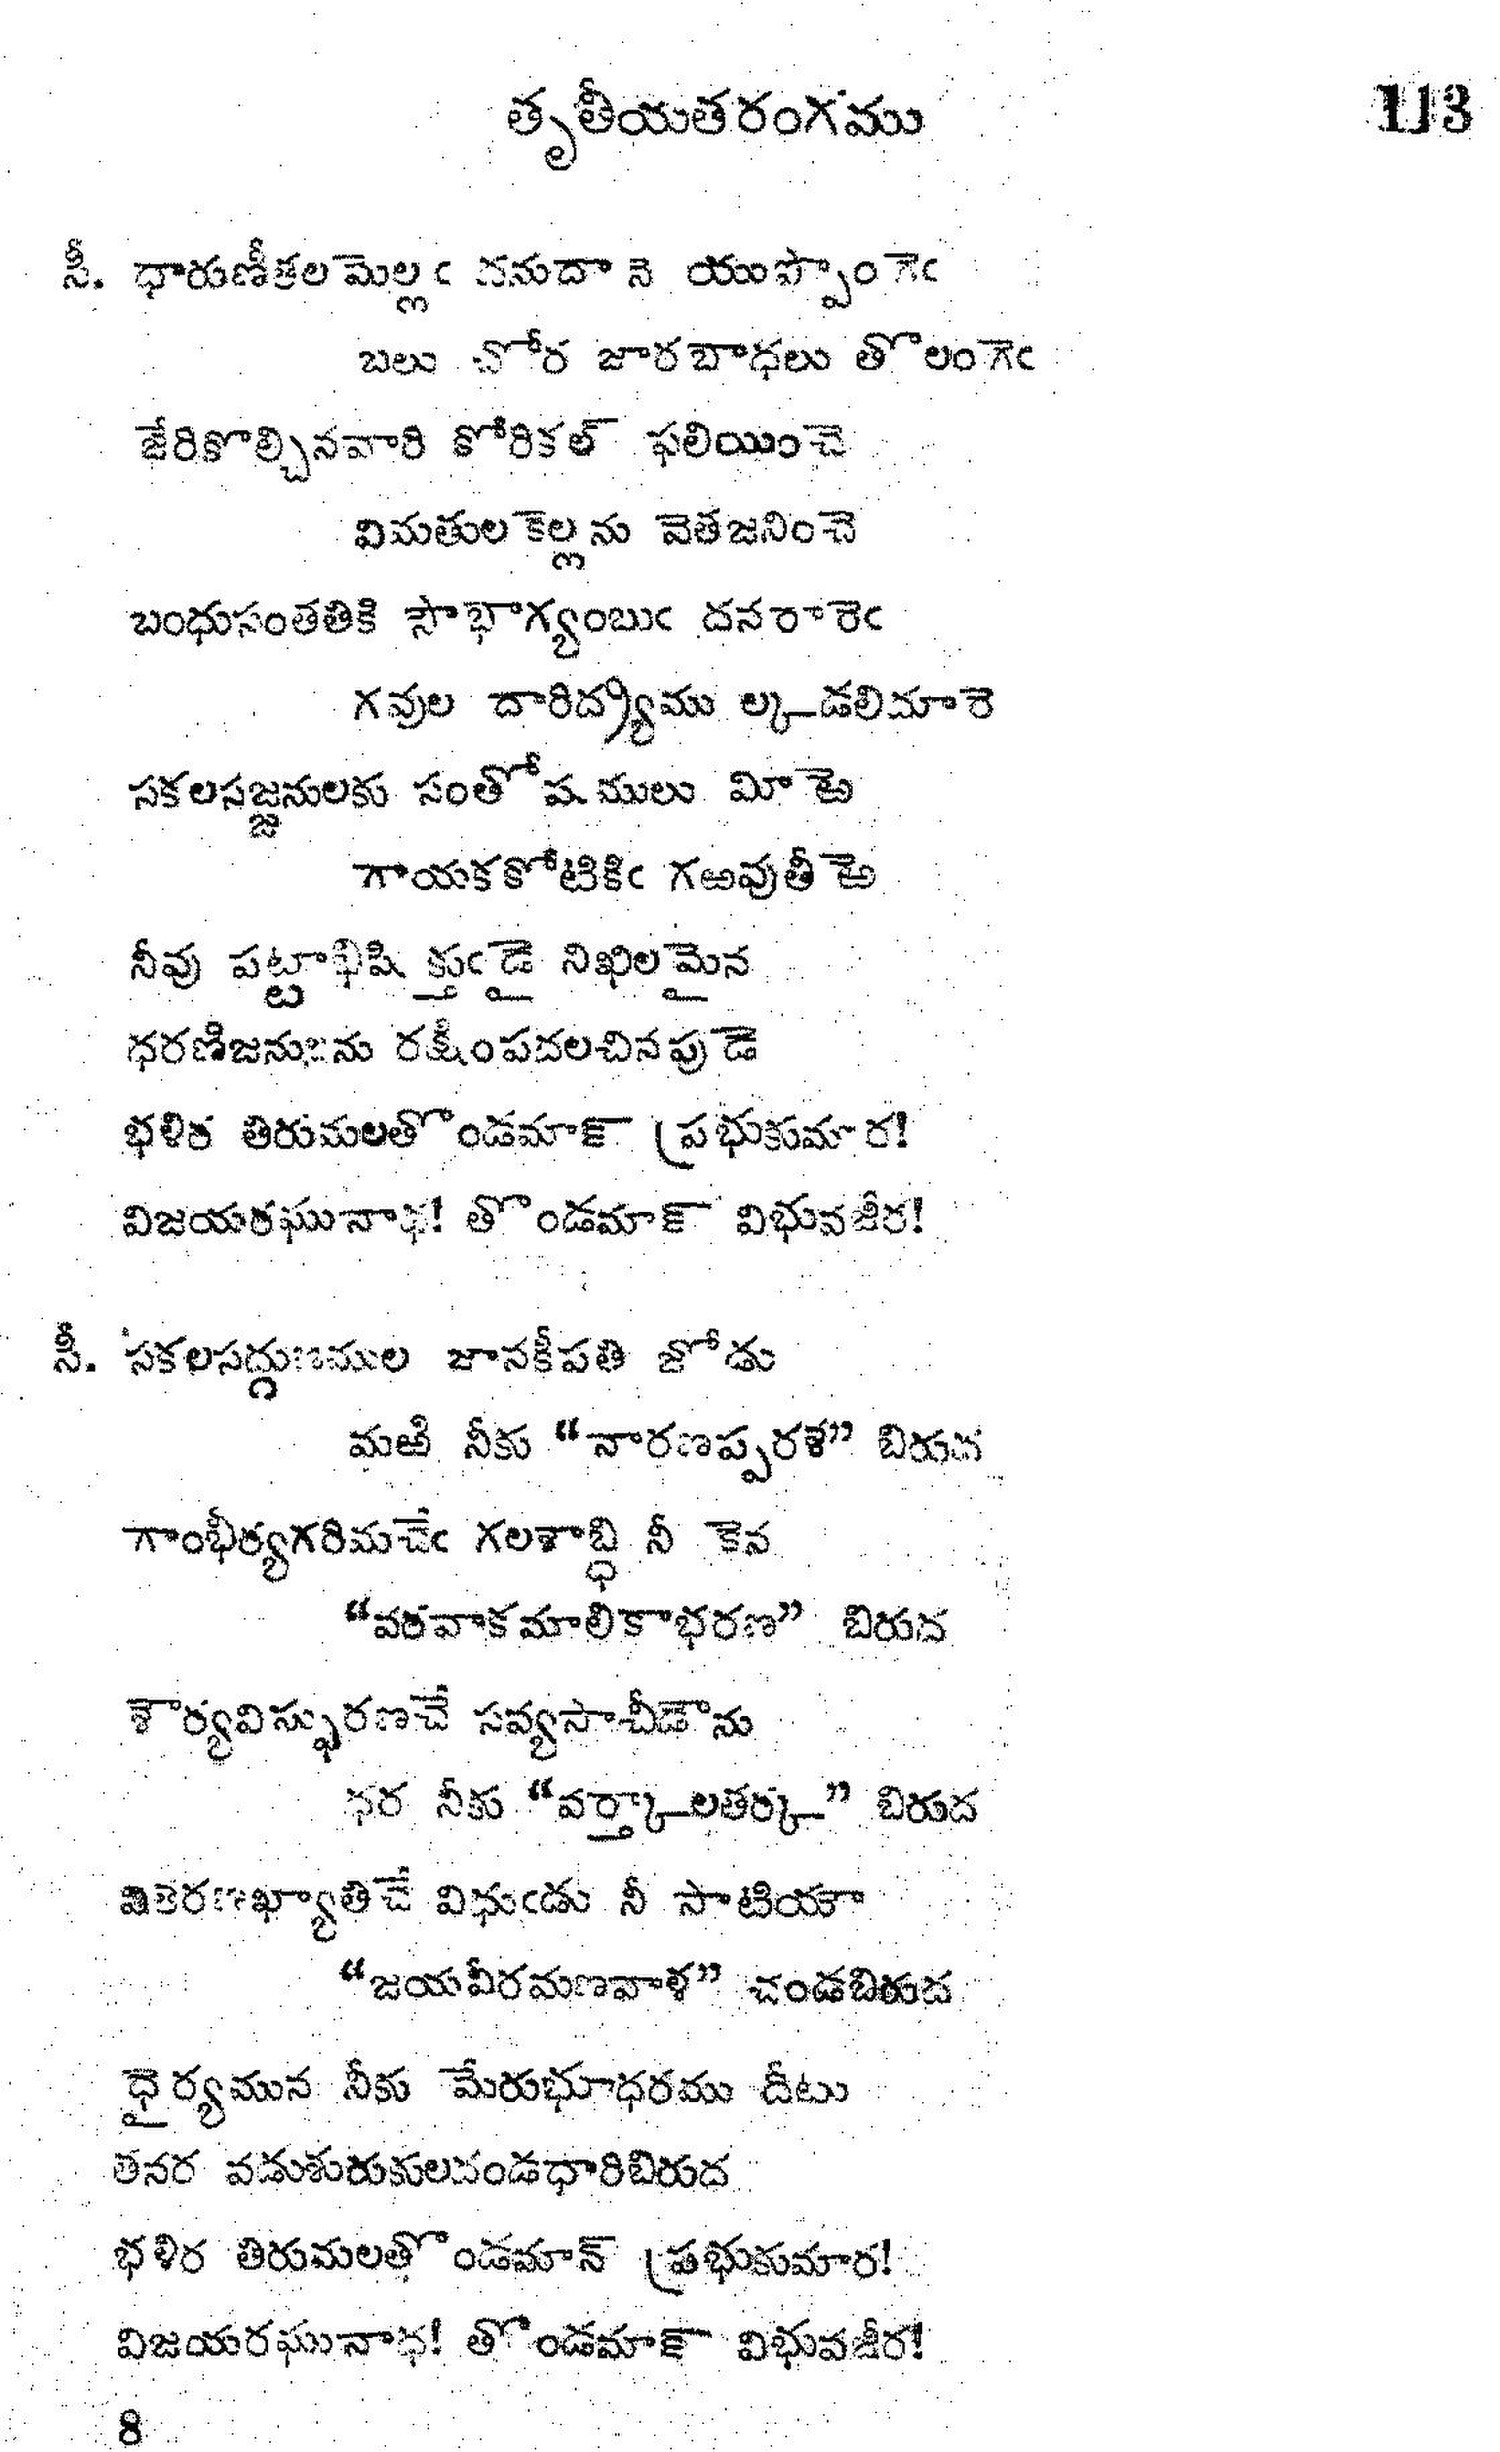సీ. ధారుణీతలమెల్లఁ దనుదానె యుప్పొంగెఁ
 బలుచోరజారబాధలు తొలంగెఁ
 జేరికొల్చినవారి కోరికల్ ఫలియించె
 విమతులకెల్లను వెత జనించె
 బంధుసంతతికి సౌభాగ్యంబుఁ దనరారెఁ
 గవుల దారిద్ర్యము ల్కడలి దూరె
 సకలసజ్జనులకు సంతోషములు మీఱె
 గాయకకోటికిఁ గఱవు తీఱె
 నీవు పట్టాభిషిక్తుఁడై నిఖిలమైన
 ధరణిజనులకు రక్షింపదలచినపుడె
 భళిర! తిరుతొండమాన్ ప్రభుకుమార!
 విజయరఘునాథ! తొండమాన్ విభువజీర.

సీ. సకలసద్గుణముల జానకీపతి జోడు
 మరి నీకు “నారణప్పరశ” బిరుద
 గాంభీర్యగరిమచేఁ గలశాబ్ధి నీ కెన
 “వరవాకమాలికాభరణ” బిరుద
 శౌర్యవిస్ఫురణచే సవ్యసాచీడౌను
 ధర నీకు “వర్త్కాలతర్క” బిరుద
 వితరణఖ్యాతిచే విధుఁడు నీ సాటియౌ
 “జయవీరరమణవాళ” చండబిరుద
 ధైర్యమున నీకు మేరుభూధరము దీటు
 తనర వడుశురుకులదండధారిబిరుద
 భళిర! తిరుతొండమాన్ ప్రభుకుమార!
 విజయరఘునాథ! తొండమాన్ విభువజీర.